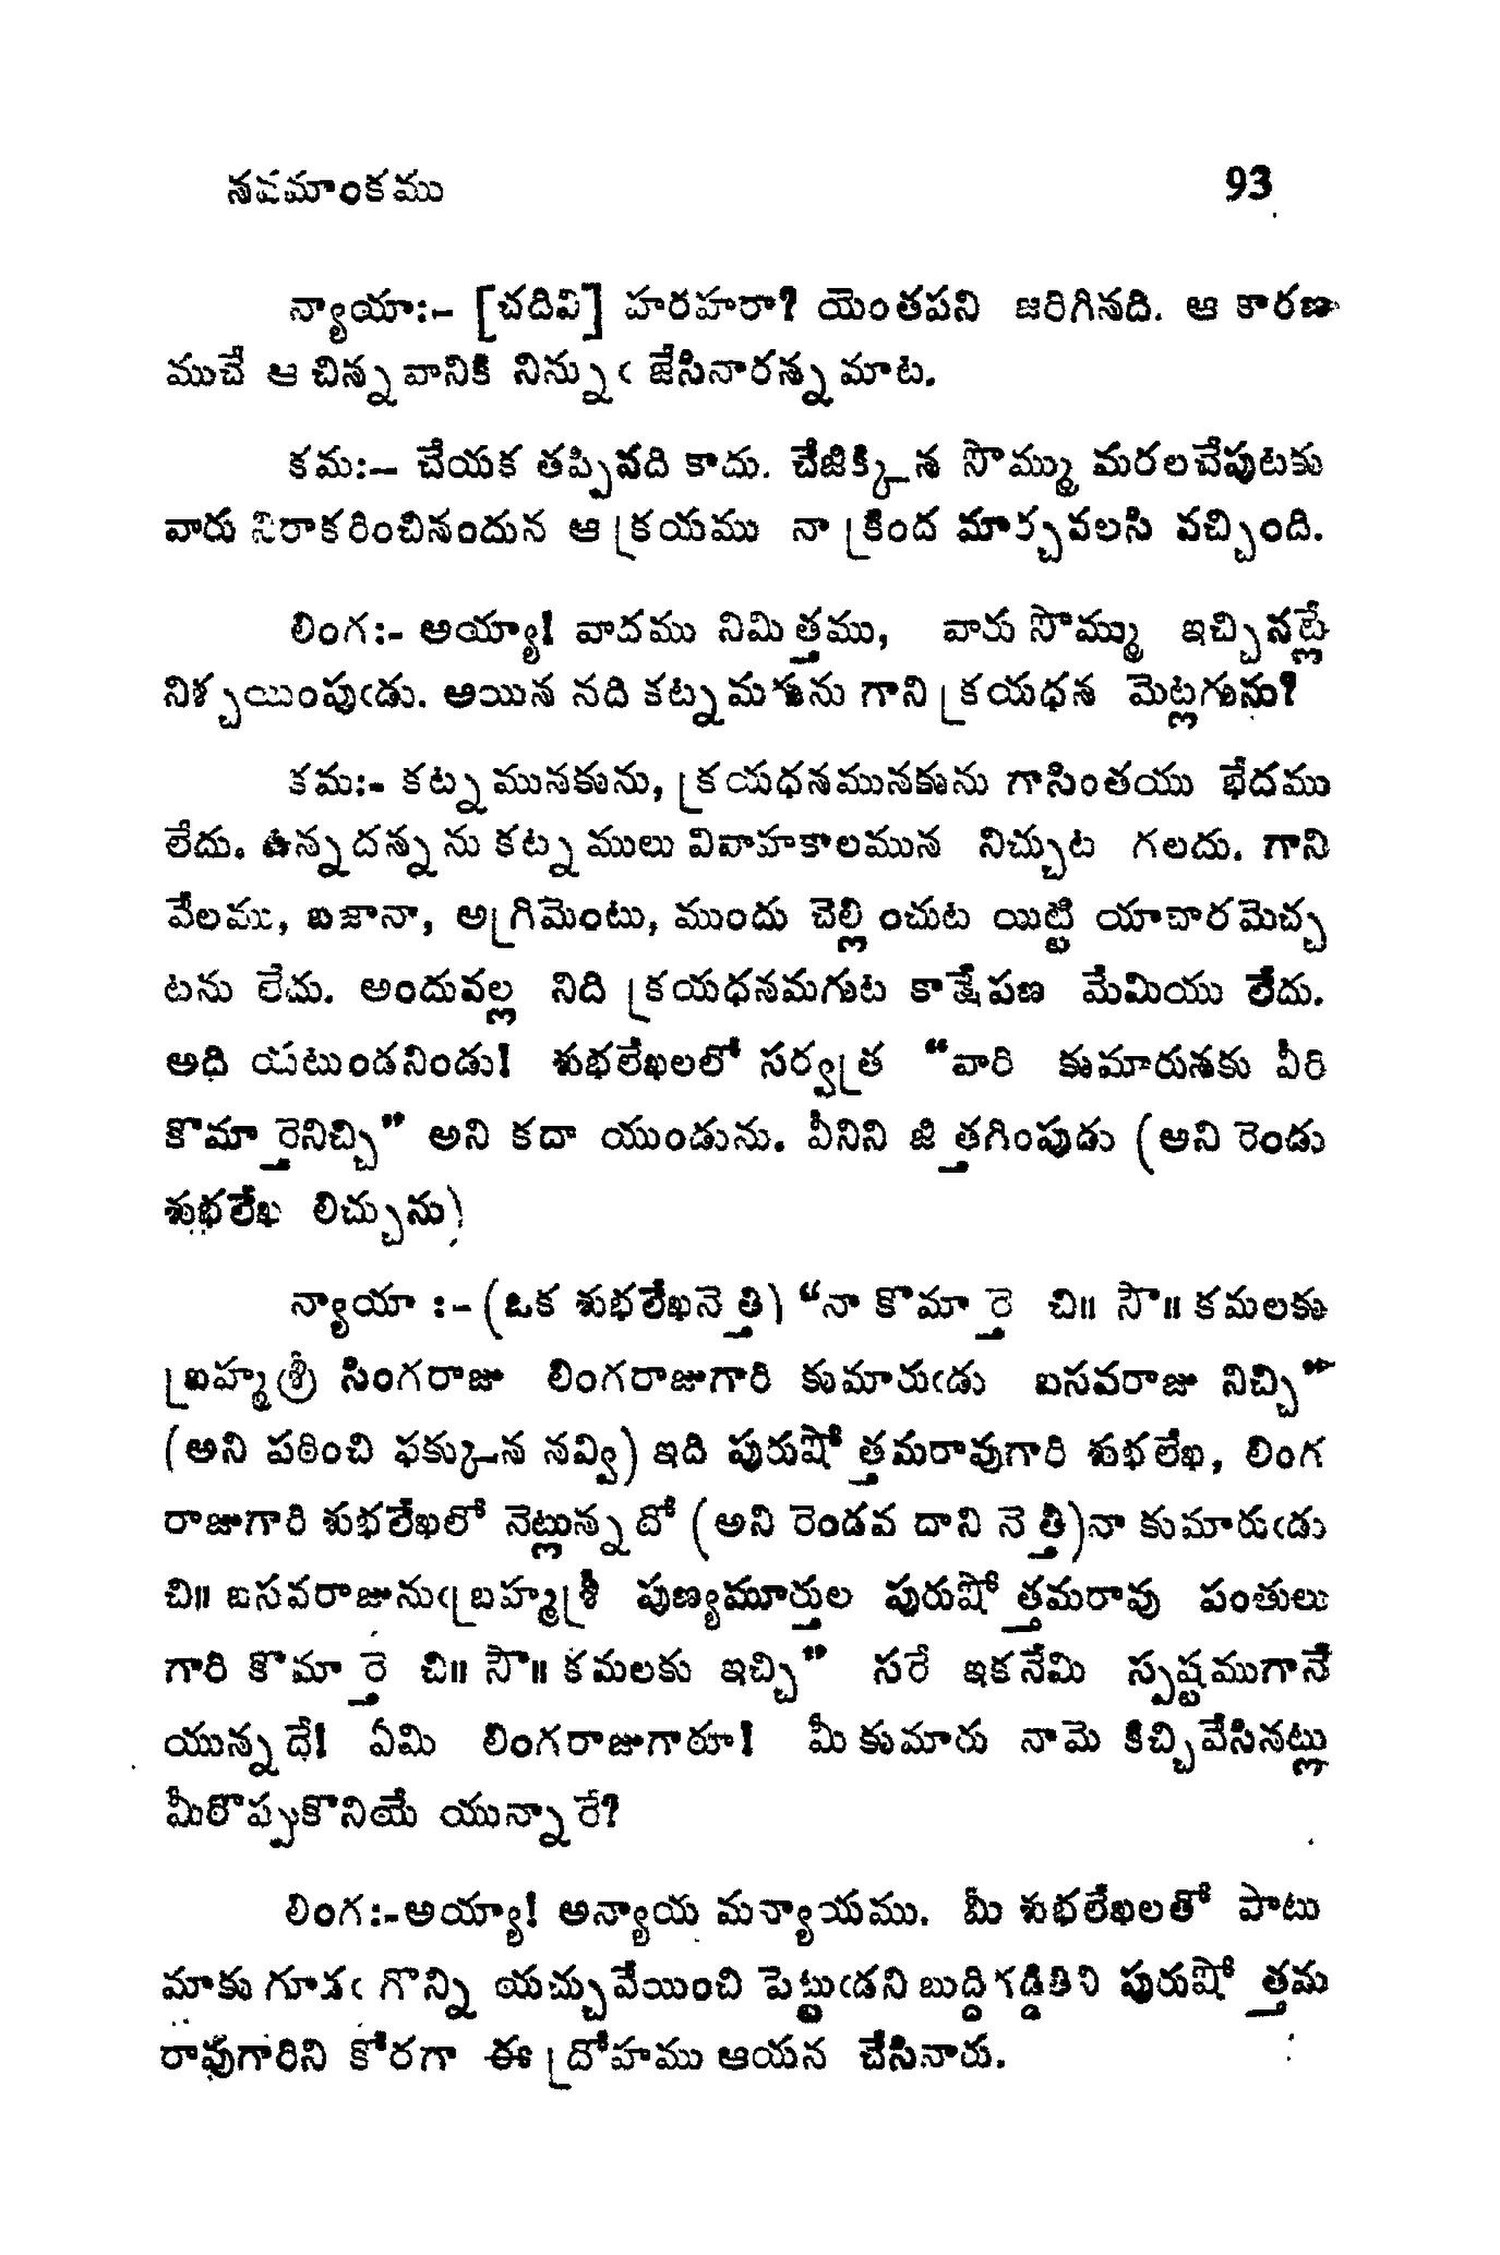న్యాయా :- (చదివి) హరహరా! యెంతపని జరిగినది. ఆ కారణముచే ఆ చిన్నవానికి నిన్నుఁ జేసినారన్నమాట.

కమ :- చేయక తప్పినది కాదు. చేజిక్కిన సొమ్ము మరల చేపుటకు వారు నిరాకరించినందున ఆక్రయము నాక్రింద మార్చవలసి వచ్చింది.

లింగ :- అయ్యా! వాదము నిమిత్తము, వారుసొమ్ము ఇచ్చినట్లే నిశ్చయింపుఁడు. అయిన నది కట్నమగును గాని క్రయధన మెట్లగును?

కమ :- కట్నమునకును, క్రయధనమునకును గాసింతయు బేధము లేదు. ఉన్నదన్నను కట్నములు వివాహకాలమున నిచ్చుట గలదు. గాని, వేలము, బజానా, అగ్రిమెంటు, ముందు చెల్లించుట ఇట్టి యాచారమెచ్చటను లేదు. అందువల్ల నిది క్రయధనమగుట కాక్షేపణ మేమియు లేదు. అది యటుండనిండు! శుభలేఖలలో సర్వత్ర "వారి కుమారునకు వీరి కొమార్తెనిచ్చి" అని కదా యుండును. వీనిని జిత్తగింపుడు. (అని రెండు శుభలేఖ లిచ్చును.)

న్యాయా :- (ఒక శుభలేఖనెత్తి) "నాకొమార్తె చి॥ సౌ॥ కమలకు బ్రహ్మశ్రీ సింగరాజు లింగరాజుగారి కుమారుడు బసవరాజు నిచ్చి" (అని పఠించి, పక్కున నవ్వి) ఇది పురుషోత్తమరావుగారి శుభలేఖ. లింగరాజుగారి శుభలేఖలో నెట్లున్నదో (అని రెండవ దాని నెత్తి) నా కుమారుడు చి॥ బసవరాజును బ్రహ్మశ్రీ పుణ్యమూర్తుల పురుషోత్తమరావు పంతులుగారి కొమార్తె చి॥ సౌ॥ కమలకు ఇచ్చి" సరే ఇకనేమి స్పష్టముగానే యున్నదే! ఏమి లింగరాజుగారూ! మీకుమారు నామె కిచ్చివేసినట్లు మీరొప్పుకొనియే యున్నారే?

లింగ :- అయ్యా! అన్యాయ మన్యాయము. మీ శుభలేఖలతో పాటు మాకుఁ గూడఁ గొన్ని యచ్చువేయించి పెట్టుఁడని బుద్ధి గడ్డితిని పురుషోత్తమరావుగారిని కోరగా ఈ ద్రోహము ఆయన చేసినారు.